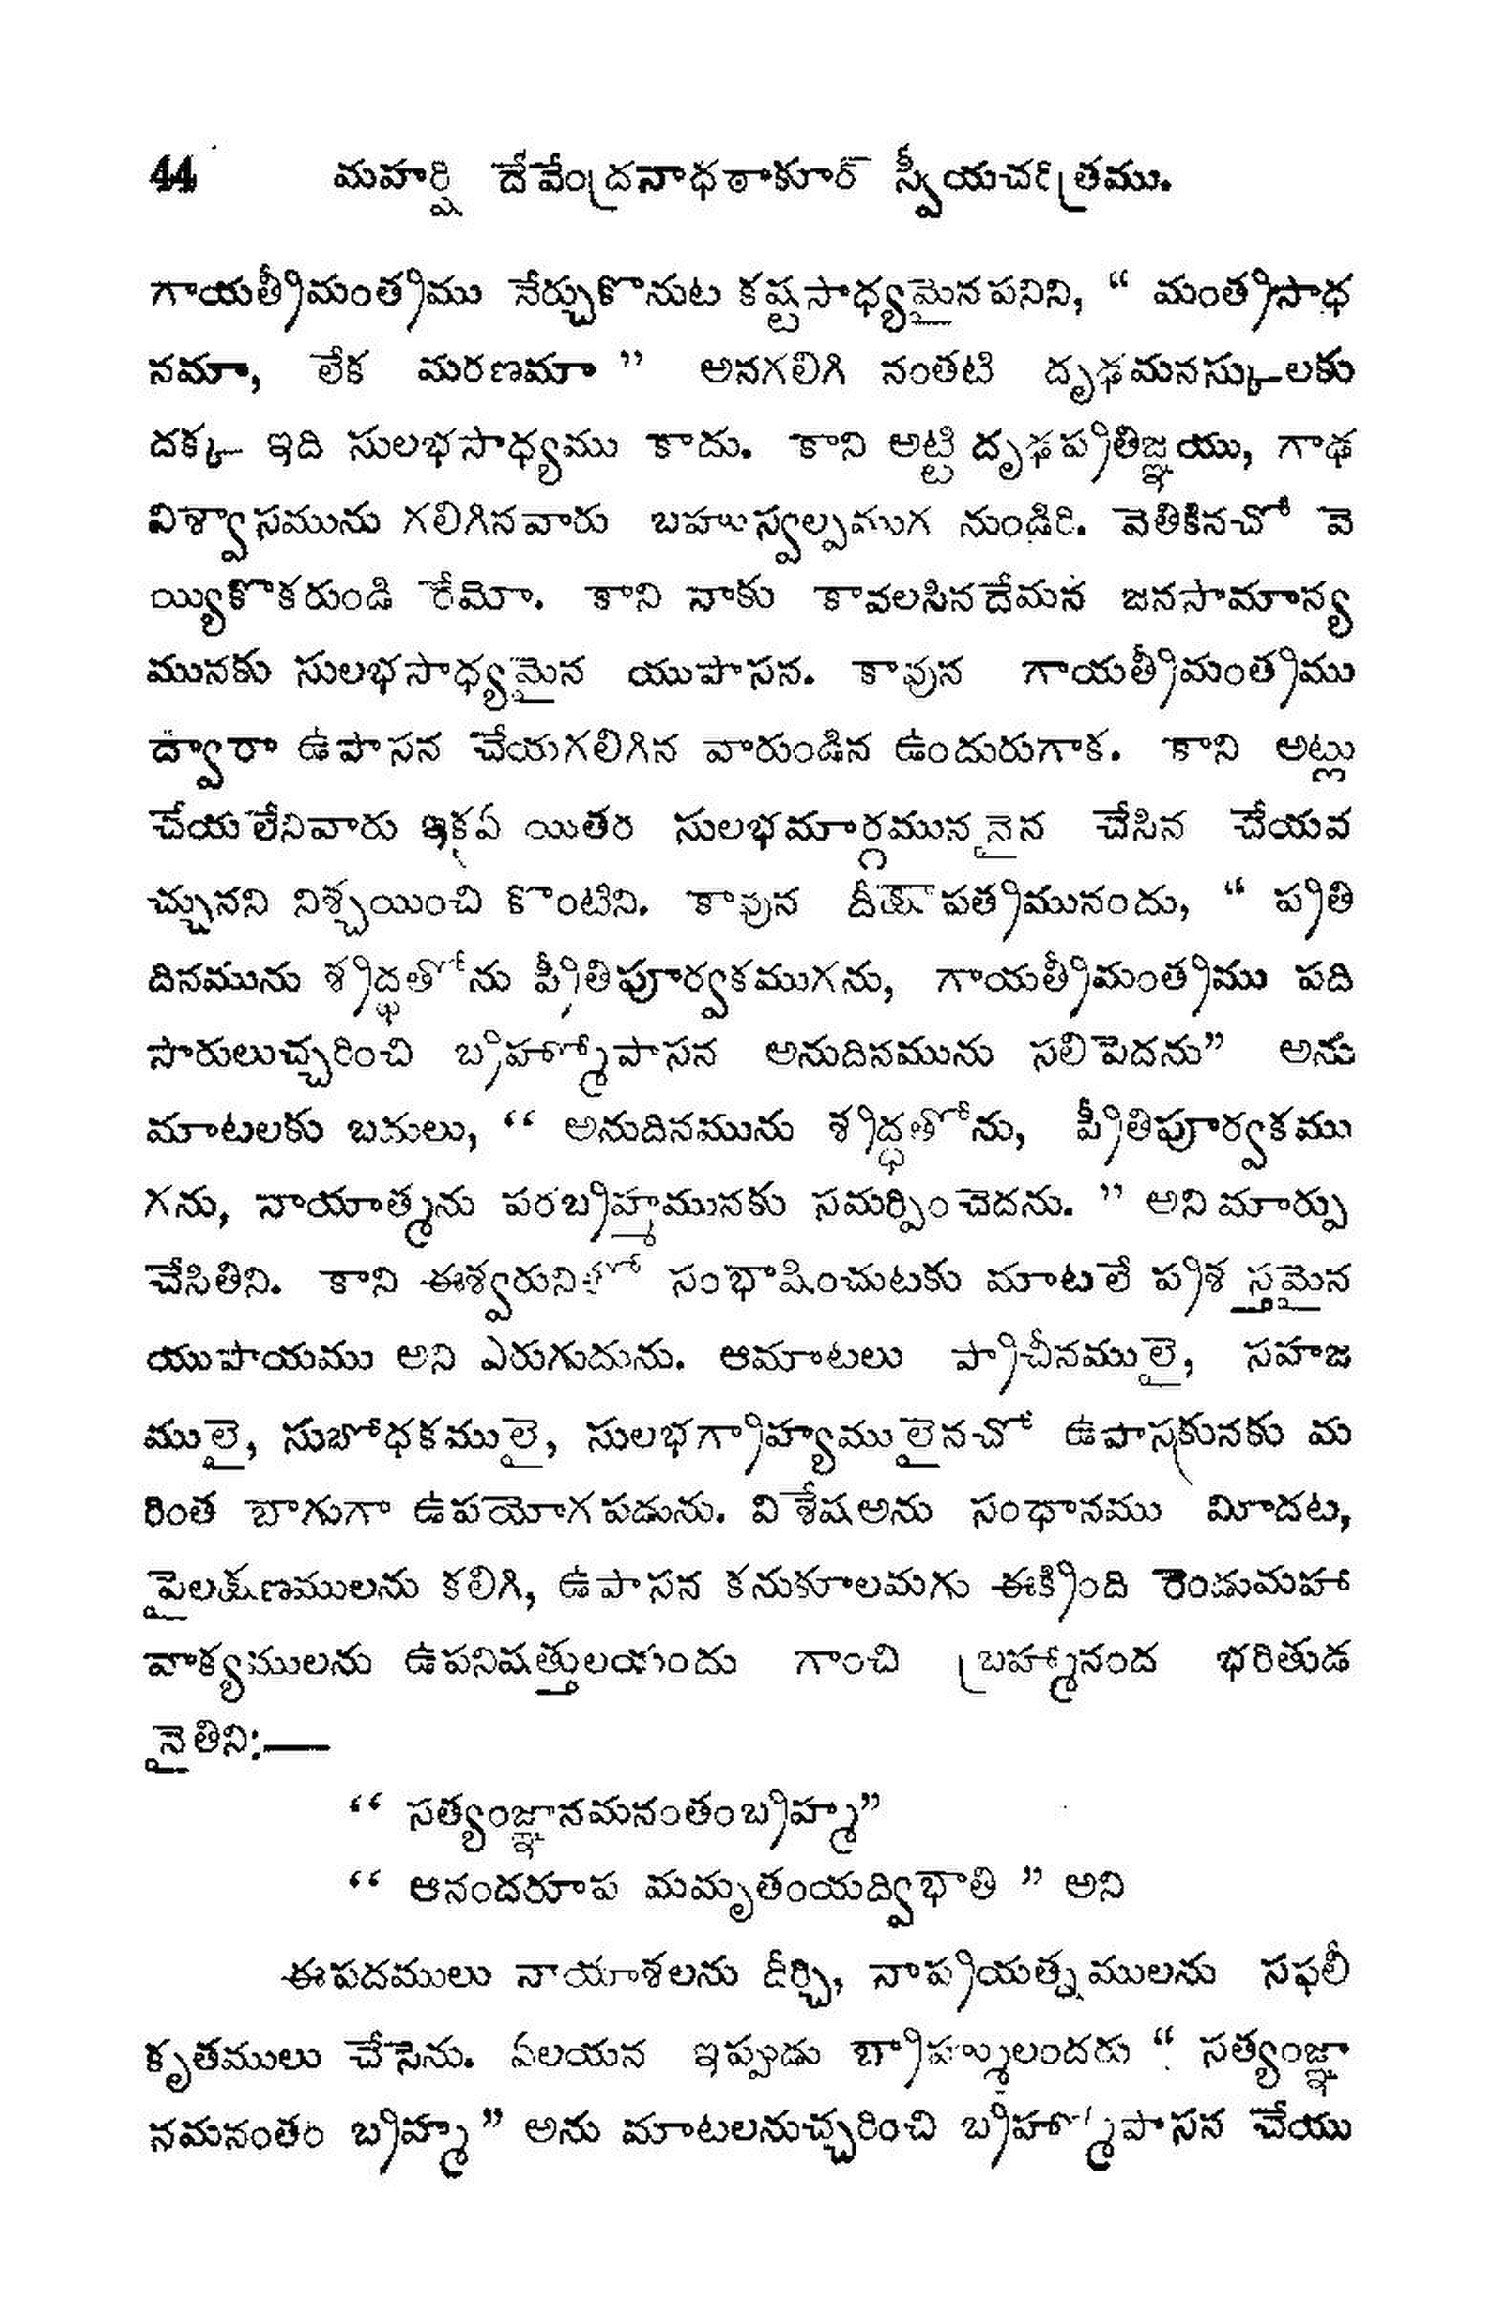గాయత్రీ మంత్రము నేర్చుకొనుట కష్ట సాధ్యమైన పనిని, " మంత్రసాధ
నమా, లేక మరణమా" అనగలిగి నంతటి దృఢమనస్కులకు
దక్క. ఇది సులభ సాధ్యము కాదు. కాని అట్టి దృఢ ప్రతిజ్ఞయు, గాఢ
విశ్వాసమును గలిగిన వారు బహు స్వల్పముగ నుండిరి. వెతికినచో 
వెయ్యి కొకరుండిరేమో. కాని నాకు కావలసిన దేమన జనసామాన్య
మునకు సులభ సాధ్యమైన యుపొసన. కావున గాయత్రీ మంత్రము
ద్వారా ఉపాసన చేయగలిగిన వారుండిన ఉందురుగాక. కాని అట్లు
చేయ లేనివారు ఇక ఏ యితర సులభ మార్గమున నైన చేసిన చేయవ
చ్చునని నిశ్చయించి కొంటిని. కావున దీక్ష" పత్రమునందు, “ ప్రతి
దినమును శృద్ధతను ప్రీతి పూర్వకముగను, గాయత్రీ మంత్రము పది
సొరులుచ్చరించి బాహ్మాపాసన అనుదినమును సలిపెదను”
మాటలకు బదులు, " అనుదినమును శద్ధతోను, ప్రీతిపూర్వకము
గను, నాయాత్మను పరబ్రహమునకు సమర్పించెదను. "అని 
మార్పుచేతిని. కాని ఈశ్వరుని సంభాషించుటకు మాటలే ప్రశస్తమైన
యుపాయము అని ఎరుగుదును. ఆమాటలు ప్రాచీనములై, సహజ
ములై, సుబోధకము లై, సులభగ్రాహ్యము లైనచో ఉపాసకునకు మ
రింత బాగుగా ఉపయోగపడును. విశేష అను సంధానము మీదట,
పైలక్షణములను కలిగి, ఉపాసన కనుకూలమగు ఈకింది. రెండు మహా
వాక్యములను ఉపనిషత్తుల యందు గాంచి బ్రహ్మానంద భరితుడ నైతిని:-

"సత్యం జ్ఞానమనంతం బ్రహ్మ”
ఆనందరూప మమృతంయద్వి భౌతి" అని

ఈ పదములు నాయాశలను దీర్చి, నాప్రయత్నములను సఫలీ
కృతములు చేసెను. ఏలయన ఇప్పుడు బ్రాహ్నలందరు " సత్యంజ్ఞా
నమనంతం బ్రహ్మ " అను మాటల నుచ్చరించి బ్రహ్మోపాసన చేయు